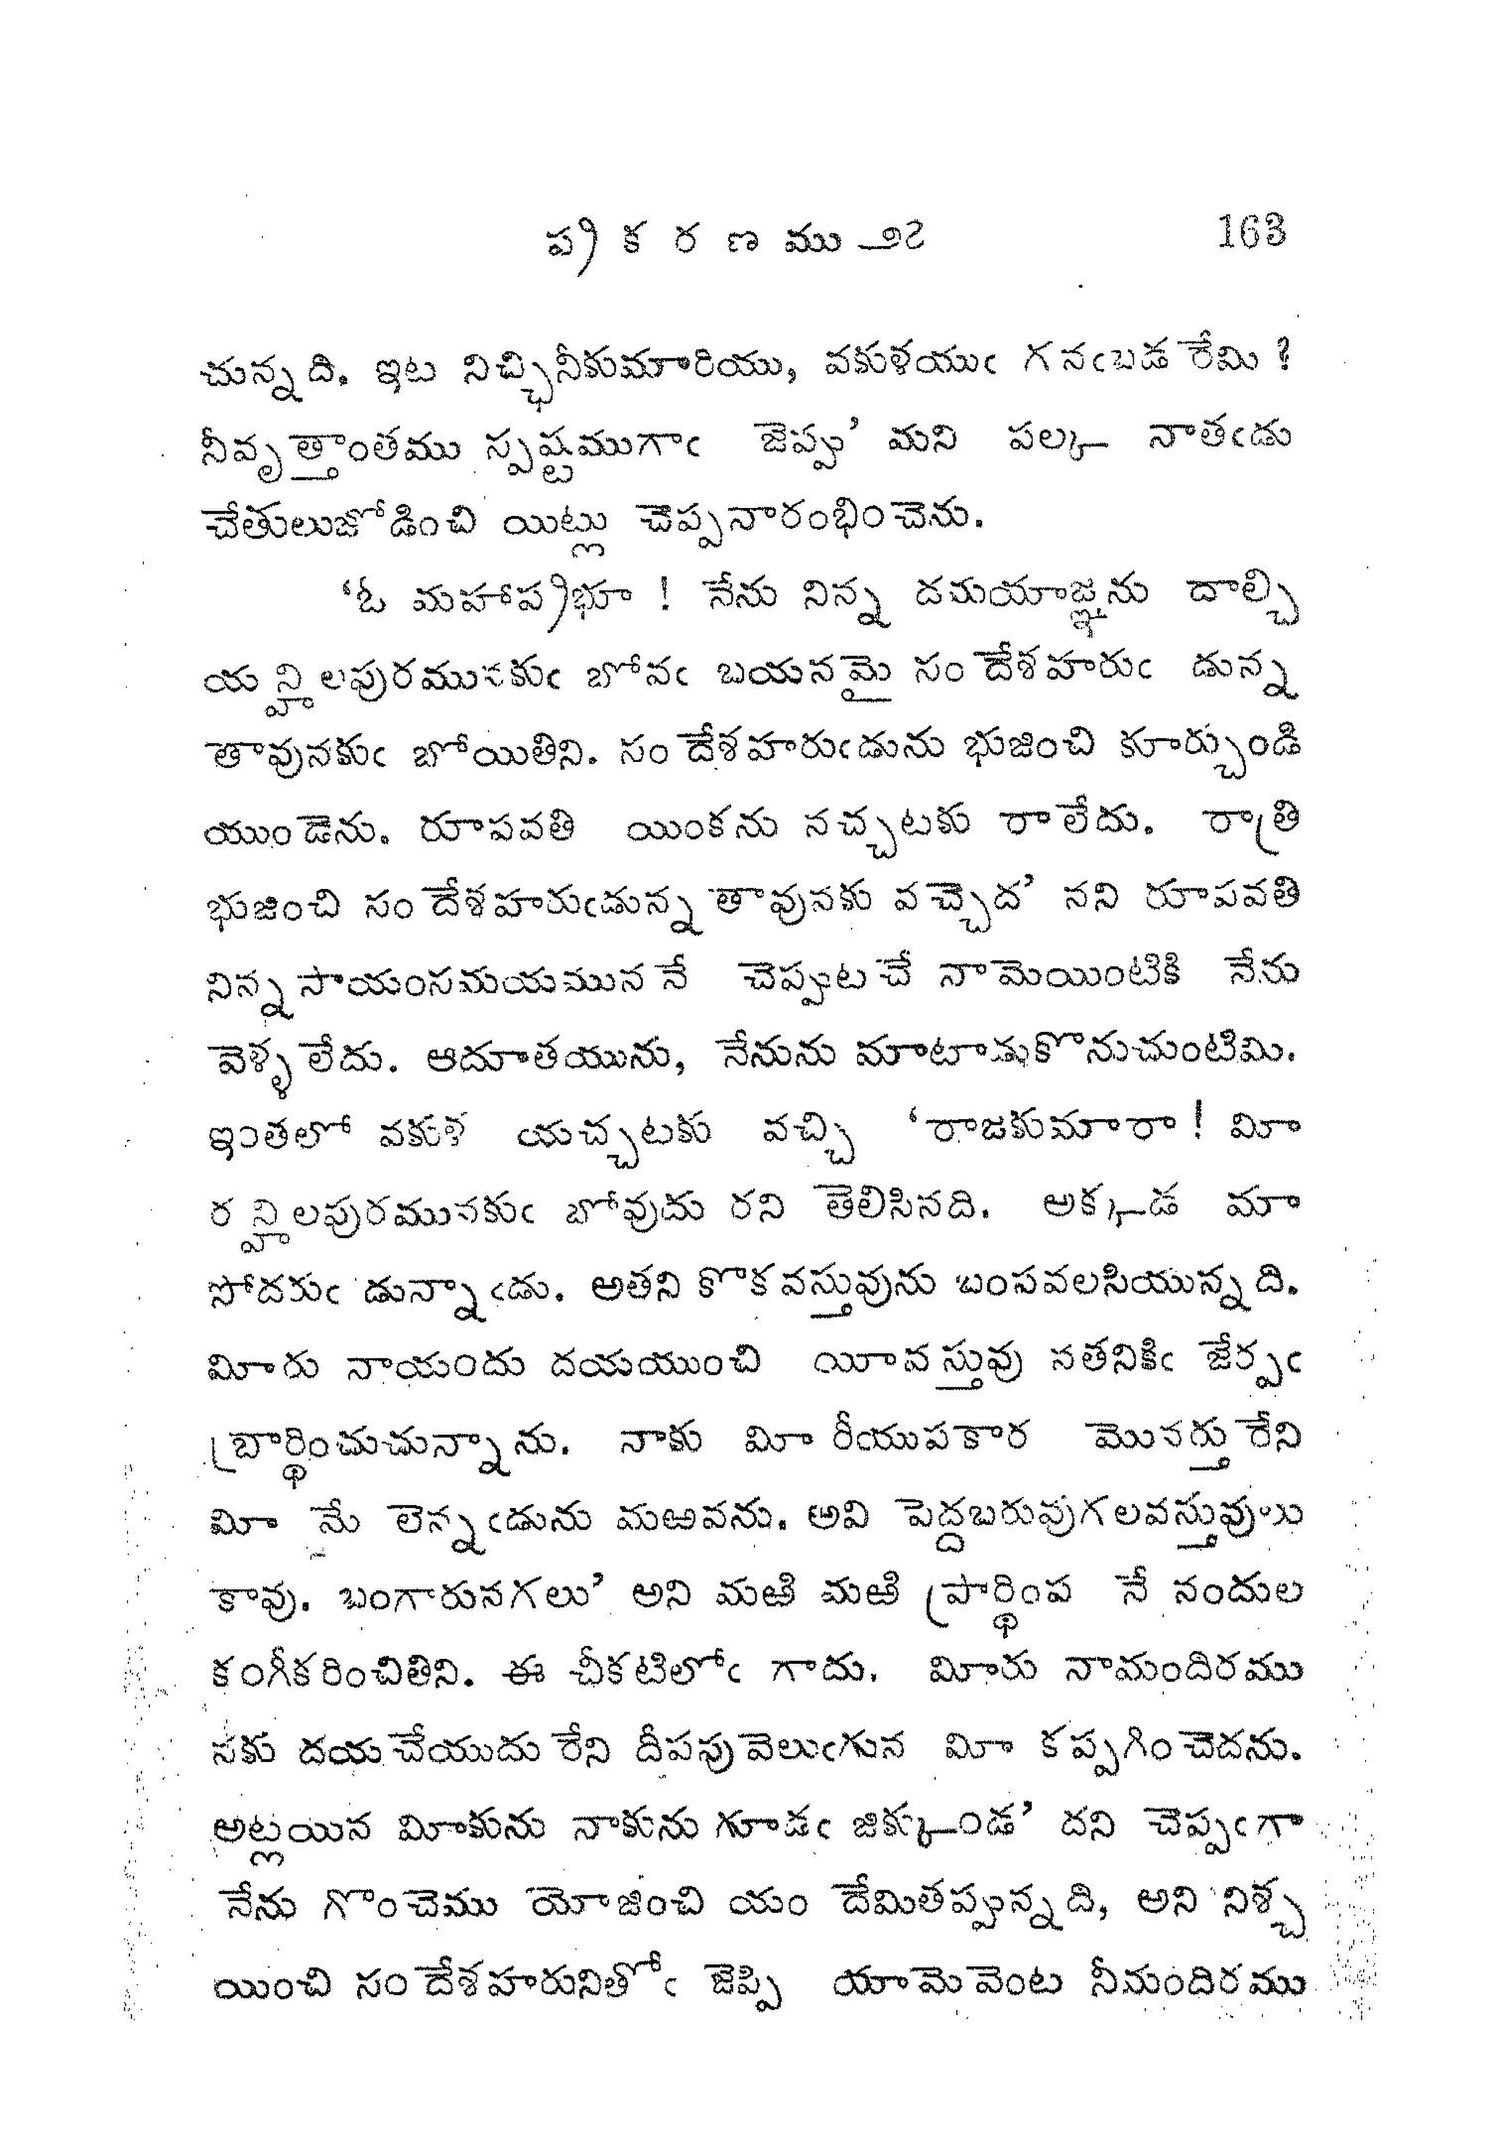చున్నది. ఇట నిచ్ఛినీకుమారియు, వకుళయుఁ గనఁబడ రేమి ?
నీ వృత్తాంతము స్పష్టముగాఁ జెప్పు మని పల్క నాతఁడు
చేతులు జోడించి యిట్లు చెప్పనారంభించెను.

'ఓ మహాప్రభూ ! 'నేను నిన్న దమయాజ్ఞను దాల్చి
యనిహ లపురమునకుఁ బోవఁ బయన మై సం దేశహరుఁ డున్న
తావునకుఁ బోయితిని. సం దేశహరుఁడును భుజించి కూర్చుండి
యుండెను. రూపవతి యింకను నచ్చటకు రాలేదు. రాత్రి
భుజించి సం దేశహరుఁడున్న 'తావునకు వచ్చెద' నని రూపవతి
నిన్న సాయంసమయమున నే చెప్పుట చే నామెయింటికి నేను
వెళ్ళ లేదు. ఆదూతయును, నేనును మాటాడుకొనుచుంటిమి.
ఇంతలో వకుళ యచ్చటకు వచ్చి 'రాజకుమారా ! మీ
రనిహలపురమునకుఁ బోవుదు రని తెలిసినది. అక్కడ మా
సోదరుఁ డున్నాఁడు. అతని కొక వస్తువును బంపవలసియున్నది.
మీరు నాయందు దయయుంచి యీవస్తువు నతనికిఁ జేర్పఁ
బ్రార్థించుచున్నాను. నాకు మీ రీయపకార మొనర్తు రేని
మీమే లెన్నఁడును మఱవను. అవి పెద్దబరువుగలవస్తువులు
కావు. బంగారునగలు' అని మరి మరి ప్రార్థింప నే నందుల
కంగీకరించితిని. ఈ చీకటిలోఁ గాదు, మీరు నామందిరము
సకు దయ చేయుదురేని దీపపు వెలుఁగున మీ కప్పగిం చెదను.
అట్లయిన మీకును నాకును గూడఁ జిక్కుండ' దని చెప్పఁగా
నేను గొంచెము 'యోజించి యందేమితప్పున్నది, అని నిశ్చ
యించి సందేశహరునితోఁ జెప్పి యామె వెంట నీ మందిరము